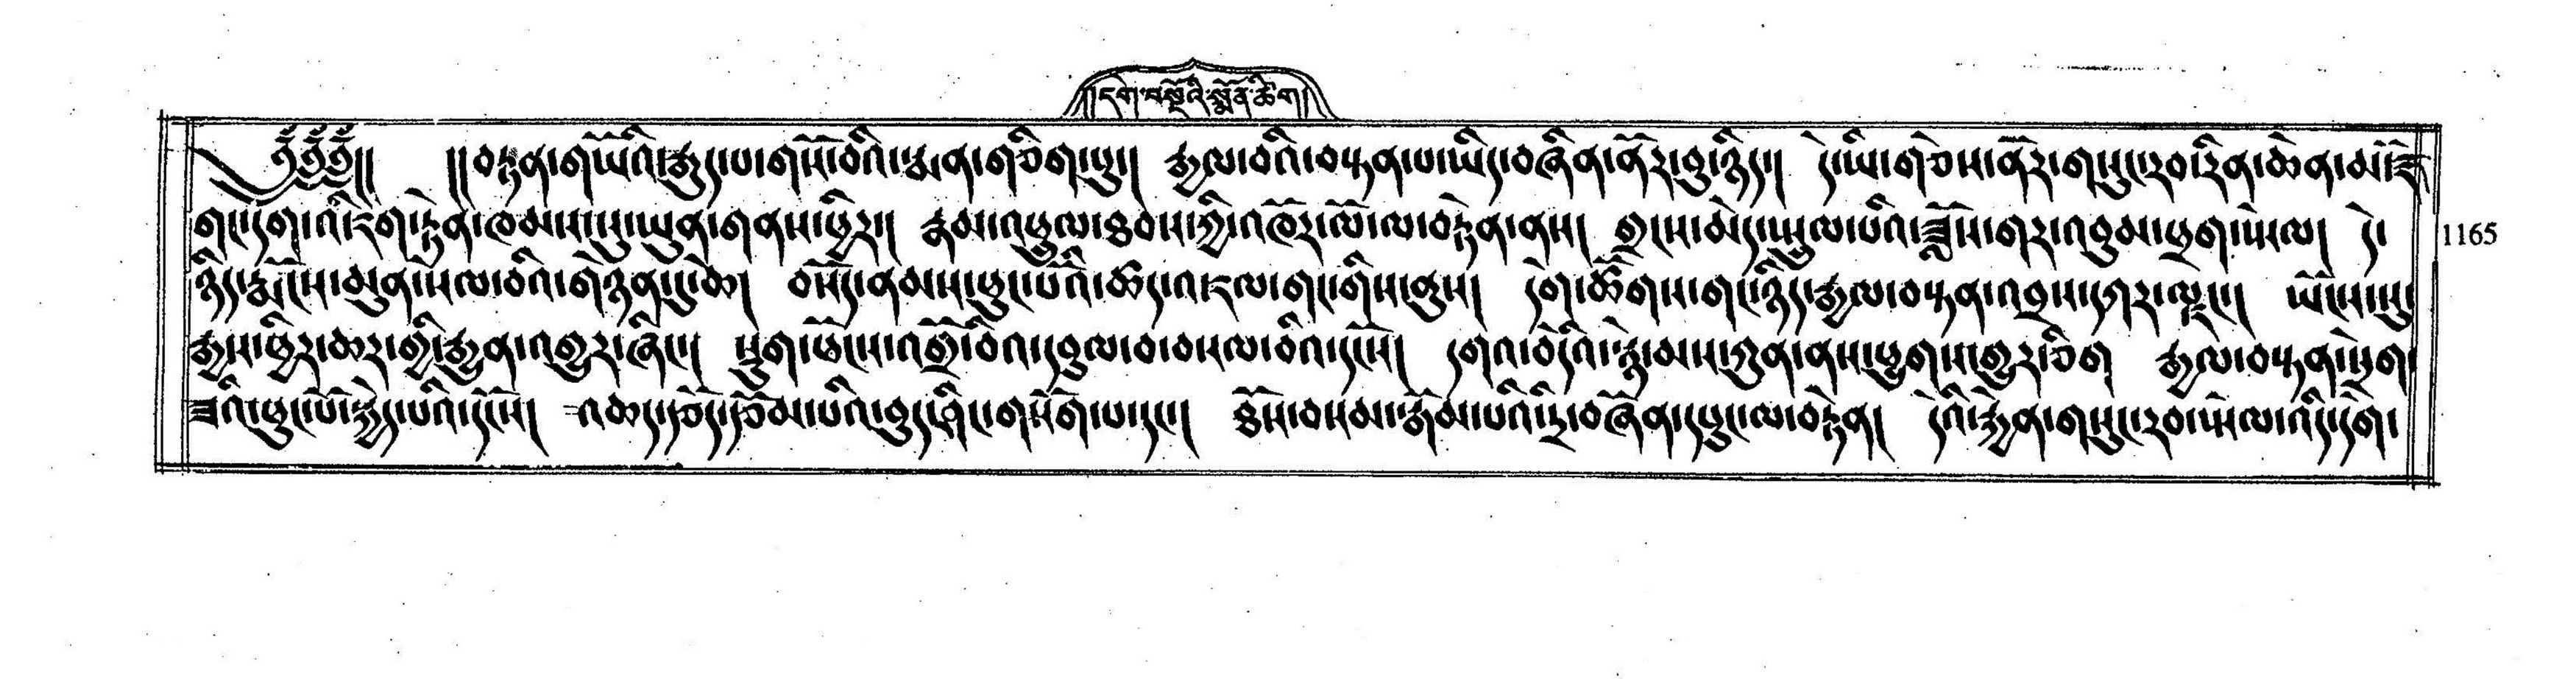དགེ་བསྔོའི་སྨོན་ཚིག༄༅༅།། །།བརྟན་གཡོའི་རྒུད་པ་གསོ་བའི་སྨན་གཅིག་པུ། རྒྱལ་བའི་བསྟན་པ་ཡིད་བཞིན་ནོར་བུ་ཉིད། དེ་ཡི་གཅེས་ནོར་གསུང་རབ་རིན་ཆེན་མཛོད། 
གང་དག་འཇིག་རྟེན་ཁམས་སུ་ཡུན་གནས་ཕྱིར། རྣམ་འཕྲུལ་ཐབས་ཀྱི་འཁོར་ལོ་ལ་བརྟེན་ནས། གྲངས་མེད་སྤྲུལ་པའི་ཟློས་གར་འབུམ་ཕྲག་སྤེལ། དེ་
ཉིད་རྨོངས་མུན་སེལ་བའི་གཉེན་དུ་ཆེ། བསོད་ནམས་ཕུང་པོའི་ཚད་འཇལ་གང་གིས་ནུས། དགེ་ཚོགས་གང་ཉིད་རྒྱལ་བསྟན་འབྲས་དཀར་ལྗོན། ཡོངས་སུ་
རྒྱས་ཕྱིར་ཆར་གྱི་རྒྱུན་འགྱུར་ཞིང་། སྡུག་ཕོངས་འགྲོ་བའི་དབུལ་བ་བསལ་བའི་དངོས། དགའ་བདེའི་སྙེ་མས་ཀུན་ནས་ཕྱུག་གྱུར་ཅིག རྒྱལ་བསྟན་སྲེག་
ཟའི་ཕུང་པོ་སྐྱེད་པའི་དངོས། འཆད་རྩོད་རྩོམ་པའི་བུད་ཤིང་གསོག་པ་དང་། ཐོས་བསམ་སྒོམ་པའི་དྲི་བཞོན་དཔུང་ལ་བརྟེན། དེའི་རྐྱེན་གསུང་རབ་སྤེལ་འདི་དགེ་